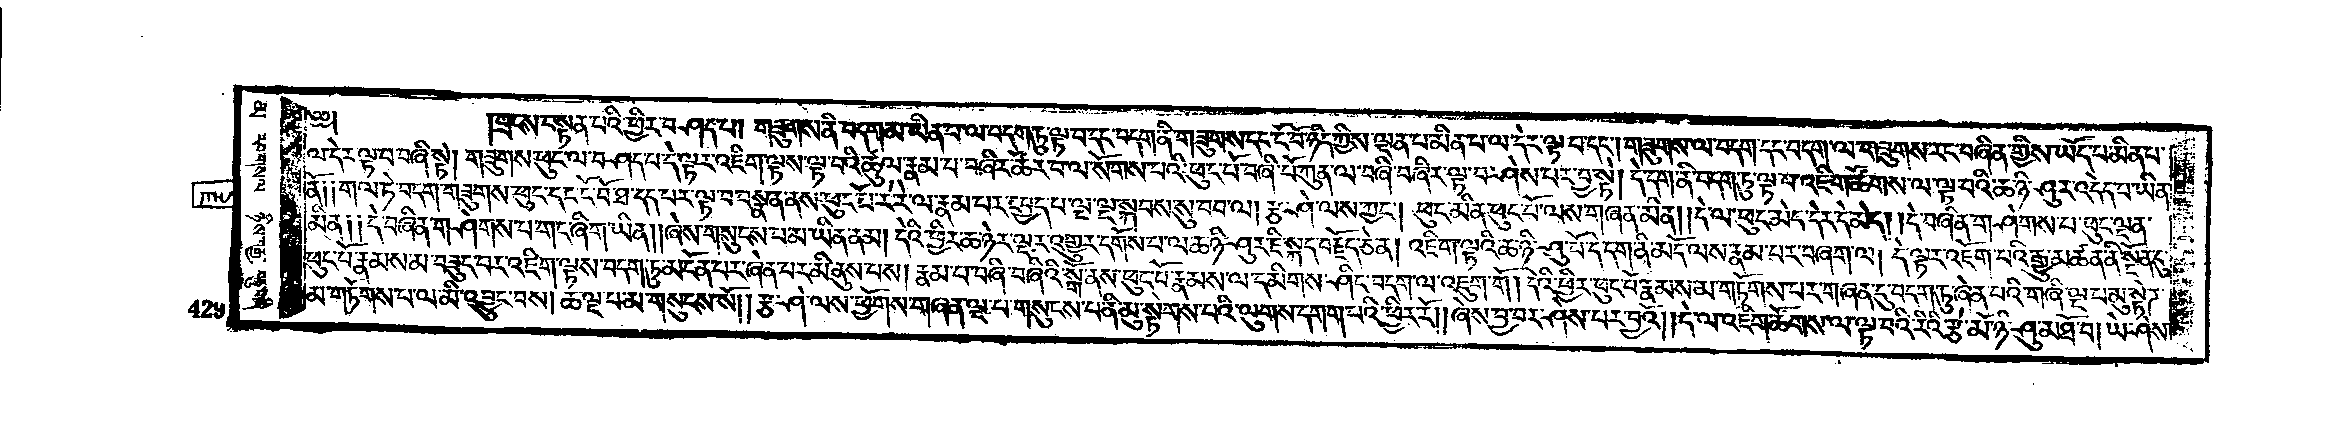༄༅། །གྲངས་བསྟན་པའི་ཕྱིར་བཤད་པ། གཟུགས་ནི་བདག་མ་ཡིན་པ་ལ་བདག་ཏུ་ལྟ་བ་དང་བདག་ནི་གཟུགས་དང་ངོ་བོ་ཉིད་ཀྱིས་ལྡན་པ་མིན་པ་ལ་དེར་ལྟ་བ་དང་། གཟུགས་ལ་བདག་དང་བདག་ལ་གཟུགས་རང་བཞིན་གྱིས་ཡོད་པ་མིན་པ་
ལ་དེར་ལྟ་བ་བཞི་སྟེ། གཟུགས་ཕུང་ལ་བཤད་པ་དེ་ལྟར་འཇིག་ལྟས་ལྟ་བའི་ཚུལ་རྣམ་པ་བཞིར་ཚོར་བ་ལ་སོགས་པའི་ཕུང་པོ་བཞི་པོ་ཀུན་ལ་བཞི་བཞིར་ལྟ་བ་ཤེས་པར་བྱ་སྟེ། དེ་དག་ནི་བདག་ཏུ་ལྟ་བ་འཇིག་ཚོགས་ལ་ལྟ་བའི་ཆ་ཉི་ཤུར་འདོད་པ་ཡིན་
ནོ། །གལ་ཏེ་བདག་གཟུགས་ཕུང་དང་ངོ་བོ་ཐ་དད་པར་ལྟ་བ་བསྣན་ནས་ཕུང་པོ་རེ་རེ་ལ་རྣམ་པར་དཔྱད་པ་ལྔ་ལྔ་སྐབས་སུ་བབ་ལ། རྩ་ཤེ་ལས་ཀྱང་། ཕུང་མིན་ཕུང་པོ་ལས་གཞན་མིན། །དེ་ལ་ཕུང་མེད་དེར་དེ་མེད། །དེ་བཞིན་གཤེགས་པ་ཕུང་ལྡན་
མིན། །དེ་བཞིན་གཤེགས་པ་གང་ཞིག་ཡིན། །ཞེས་གསུངས་པ་མ་ཡིན་ནམ། དེའི་ཕྱིར་ཆ་ཉེར་ལྔར་འགྱུར་དགོས་པ་ལ་ཆ་ཉི་ཤུར་ཇི་སྐད་བརྗོད་ཅེ་ན། འཇིག་ལྟའི་ཆ་ཉི་ཤུ་པོ་དེ་དག་ནི་མདོ་ལས་རྣམ་པར་བཞག་ལ། དེ་ལྟར་འཇོག་པའི་རྒྱུ་མཚན་ནི་སྔོན་དུ་
ཕུང་པོ་རྣམས་མ་བཟུང་བར་འཇིག་ལྟས་བདག་ཏུ་མངོན་པར་ཞེན་པར་མི་ནུས་པས། རྣམ་པ་བཞི་བཞིའི་སྒོ་ནས་ཕུང་པོ་རྣམས་ལ་དམིགས་ཤིང་བདག་ལ་འཇུག་གོ །དེའི་ཕྱིར་ཕུང་པོ་རྣམས་མ་གཏོགས་པར་གཞན་དུ་བདག་ཏུ་ཞེན་པའི་གཞི་ལྔ་པ་མུ་སྟེགས་
མ་གཏོགས་པ་ལ་མི་འབྱུང་བས། ཆ་ལྔ་པ་མ་གསུངས་སོ། །རྩ་ཤེ་ལས་ཕྱོགས་གཞན་ལྔ་པ་གསུངས་པ་ནི་མུ་སྟེགས་པའི་ལུགས་དགག་པའི་ཕྱིར་རོ། །ཞེས་བྱ་བར་ཤེས་པར་བྱའོ། །དེ་ལ་འཇིག་ཚོགས་ལ་ལྟ་བའི་རིའི་རྩེ་མོ་ཉི་ཤུ་མཐོ་བ། ཡེ་ཤེས་